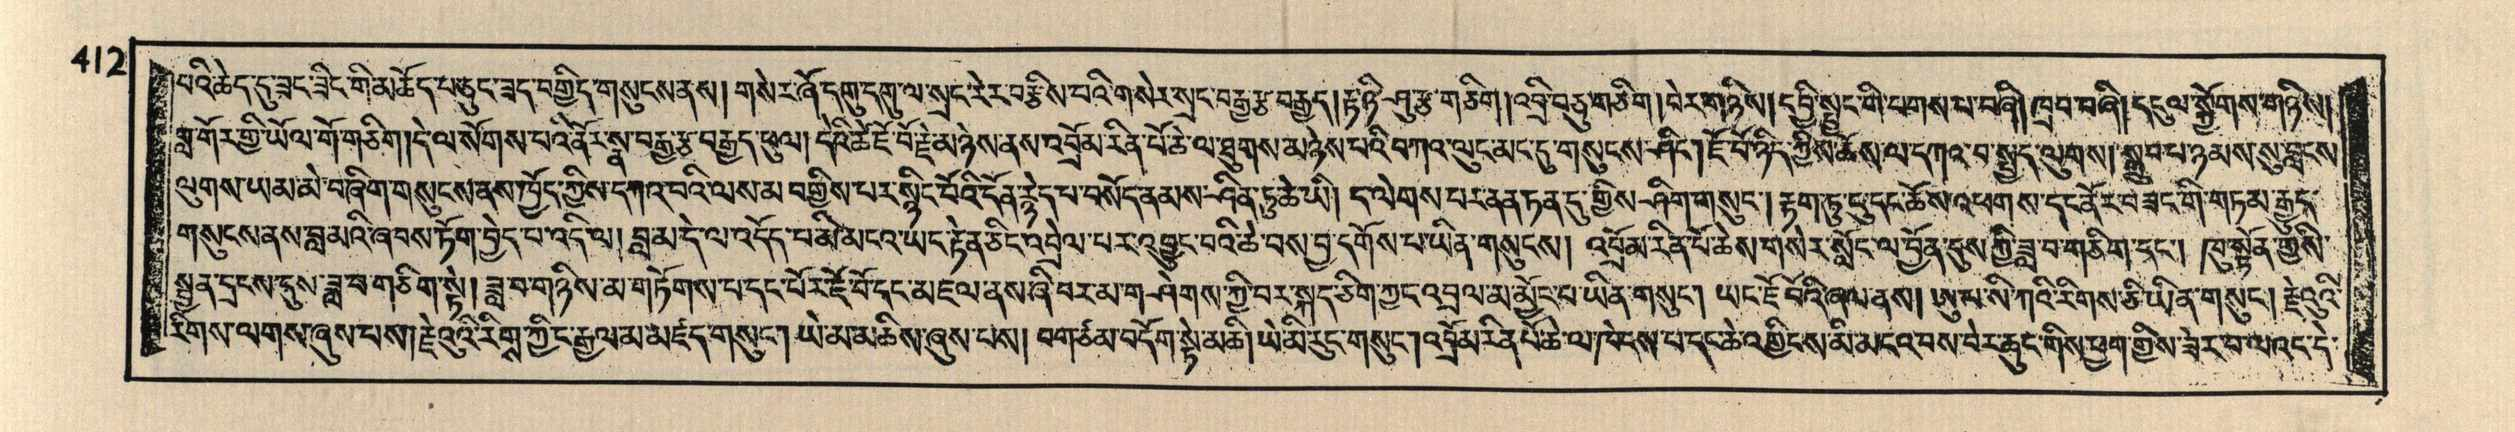པའི་ཆེད་དུ་ཟང་ཟིང་གི་མཆོད་པ་ཅུང་ཟད་བགྱིད་གསུངས་ནས། གསེར་ཞོ་དགུ་དགུ་ལ་སྲང་རེར་བརྩིས་པའི་གསེར་སྲང་བརྒྱ་རྩ་བརྒྱད། རྟ་ཉི་ཤུ་རྩ་གཅིག། འབྲི་བཅུ་གཅིག། བེར་གཉིས། དབྱི་སྦྱང་གི་པགས་པ་བཞི། ཁྲབ་ཞི། དངུལ་སྐྱོགས་གཉིས།
གླ་གོར་གྱི་ཡོལ་གོ་གཅིག། དེ་ལ་སོགས་པའི་ནོར་སྣ་བརྒྱ་རྩ་བརྒྱད་ཕུལ། དེའི་ཚེ་ཇོ་བོ་རྗེ་མཉེས་ནས་འབྲོམ་རིན་པོ་ཆེ་ལ་ཐུགས་མཉེས་པའི་བཀའ་ལུང་མང་དུ་གསུངས་ཤིང་། ཇོ་བོ་ཉིད་ཀྱིས་ཆོས་ལ་དཀའ་བ་སྤྱད་ལུགས། སྒྲུབ་པ་ཉམས་སུ་བླངས་
ལུགས་ཡམ་མེ་བ་ཞིག་གསུངས་ནས་ཁྱོད་ཀྱིས་དཀའ་བའི་ལས་མ་བགྱིས་པར་སྙིང་བོའི་དོན་རྙེད་པ་བསོད་ནམས་ཤིན་ཏུ་ཆེ་ཡི། ད་ལེགས་པར་ནན་ཏན་དུ་གྱིས་ཤིག་གསུང་། རྟག་ཏུ་དུ་དང་ཆོས་འཕགས་དང་ནོར་བཟང་གི་གཏམ་རྒྱུད་
གསུངས་ནས་བླ་མའི་ཞབས་ཏོག་བྱེད་པ་འདི་ལ། བླ་མ་དེ་ལ་འདོད་པ་མི་མངའ་ཡང་རྟེན་ཅིང་འབྲེལ་པར་འབྱུང་བའི་ཆེ་བས་བྱ་དགོས་པ་ཡིན་གསུངས། འབྲོམ་རིན་པོ་ཆེས་གསེར་སློང་ལ་བྱོན་དུས་ཀྱི་ཟླ་བ་གཅིག་དང་། ཁུ་སྟོན་གྱིས་
སྤྱན་དྲངས་དུས་ཟླ་བ་གཅིག་སྟེ། ཟླ་བ་གཉིས་མ་གཏོགས་པ་དང་པོར་ཇོ་བོ་དང་མཇལ་ནས་ཞི་བར་མ་གཤེགས་ཀྱི་བར་སྐད་ཅིག་ཀྱང་འབྲལ་མ་མྱོང་བ་ཡིན་གསུང་། ཡང་ཇོ་བོའི་ཞལ་ནས། ཨུས་སི་ཀའི་རིགས་ཅི་ཡིན་གསུང་། རྗེའུའི་
རིགས་ལགས་ཞུས་པས། རྗེའུའི་རིགས་ཀྱི་ང་རྒྱལ་མ་མཛད་གསུང་། ཡེ་མ་མཆིས་ཞུས་པས། བག་ཙམ་བདོག་སྟེ་མཆི། ཡེ་མི་རུང་གསུང་། འབྲོམ་རིན་པོ་ཆེ་ལ་ཁེངས་པ་དང་ཆེ་འགྱིངས་མི་མངའ་བས་བེར་ཆུང་གིས་ཕྱག་གྱིས་ཟེར་བ་ལའང་དེ་